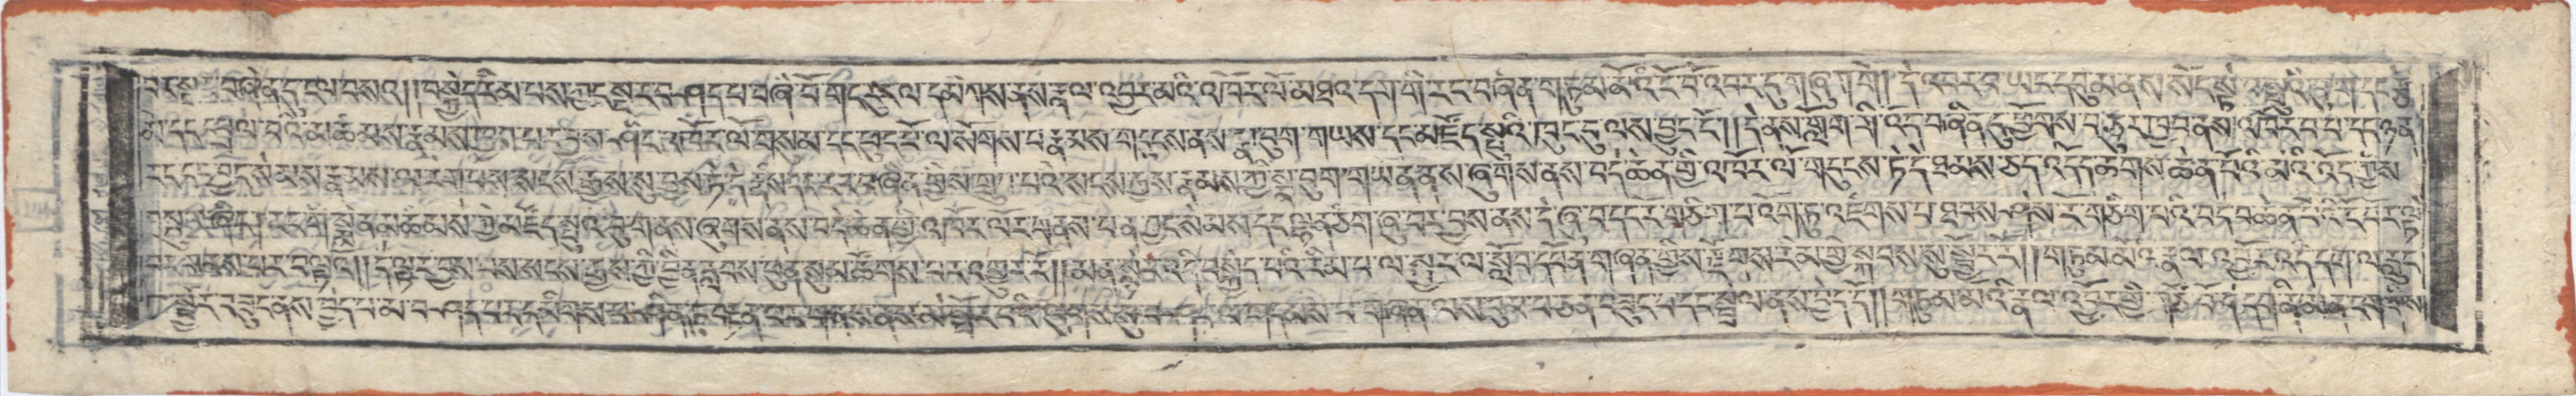བར་སྔར་བཞིན་དུ་ངལ་བསོའོ། །བསྐྱེད་རིམ་པས་ཀྱང་སྔར་བཤད་པ་བཞི་པོ་གང་རུང་ལ་དམིགས་ནས་རྣལ་འབྱོར་མའི་འཁོར་ལོ་མཐའ་དག་གི་རང་བཞིན་གཏུམ་མོའི་ངོ་བོ་འབར་དུ་གཞུག་གོ །དེ་འབར་བ་ཡང་དབུ་མ་ནས་སོང་སྟེ་བ་སྤུའི་བུ་ག་དང་རྩེ་
མོ་དང་དཔྲལ་བའི་མཚམས་རྣམས་ཁྱབ་པར་བྱས་ཤིང་འཁོར་ལོ་གསུམ་དང་ཕུང་པོ་ལ་སོགས་པ་རྣམས་གདུངས་ནས་སྣ་བུག་གཡས་དང་མཛོད་སྤུའི་ཁུང་དུ་ལས་བྱུང་ངོ། །དེ་ནས་གློག་གི་འོད་བཞིན་དུ་ཕྱོགས་བཅུར་ཁྱབ་ནས་འཁོར་བ་པ་དང་ཉན་
རང་དང་བྱང་སེམས་རྣམས་ལ་རེག་པས་སངས་རྒྱས་སུ་བྱས་ཏེ་དེ་རྣམས་དང་རང་བཞིན་གྱིས་གྲུབ་པའི་སངས་རྒྱས་རྣམས་ཀྱི་སྣ་བུག་གཡོན་ནས་ཞུགས་ནས་བདེ་ཆེན་གྱི་འཁོར་ལོ་གདུངས་ཏེ་དེ་ཐམས་ཅད་འདོད་ཆགས་ཆེན་པོའི་མེའི་འོད་ཀྱིས་
བསྐུལ་ཞིང་། རང་གི་སྨིན་མཚམས་ཀྱི་མཛོད་སྤུའི་བུ་ག་ནས་ཞུགས་ནས་བདེ་ཆེན་གྱི་འཁོར་ལོར་གནས་པ་ན་བྱང་སེམས་དང་ལྷན་ཅིག་ཞུ་བར་བྱས་ནས་དེ་ཞུ་བ་དང་རོ་གཅིག་པ་འོག་ཏུ་འཛགས་པ་ཐབས་ཤེས་རོ་གཅིག་པའི་བདེ་བ་ཆེན་པོའི་ངོ་བོར་ལྟེ་
བར་གནས་པར་བལྟའོ། །དེ་ལྟར་བྱས་པས་སངས་རྒྱས་ཀྱི་བྱིན་རླབས་ཕུན་སུམ་ཚོགས་པར་འགྱུར་རོ། །མན་སྙེར་འདི་བསྐྱེད་པའི་རིམ་པ་ལ་སྦྱར་ལ་སློབ་དཔོན་གཞན་གྱིས་རྫོགས་རིམ་གྱི་སྐབས་སུ་སྦྱོར་རོ། །གཏུམ་མོའི་རྣལ་འབྱོར་འདི་དག་ལ་རླུང་
ལ་སྦྱོར་བཟུང་ནས་བྱེད་པ་མ་བཤད་པར་དམིགས་པ་ཤིན་ཏུ་བརྟན་པར་གནས་ནས་མེ་སྤོར་བའི་ལུགས་སུ་བཤད་ལ་གདམས་པ་གཞན་ལས་བུམ་པ་ཅན་བཟུང་བ་དང་སྦྲེལ་ནས་བྱེད་དོ། །གཏུམ་མོའི་རྣལ་འབྱོར་གྱི་གཙོ་བོ་དེ་དག་ནི་མན་ངག་གིས་